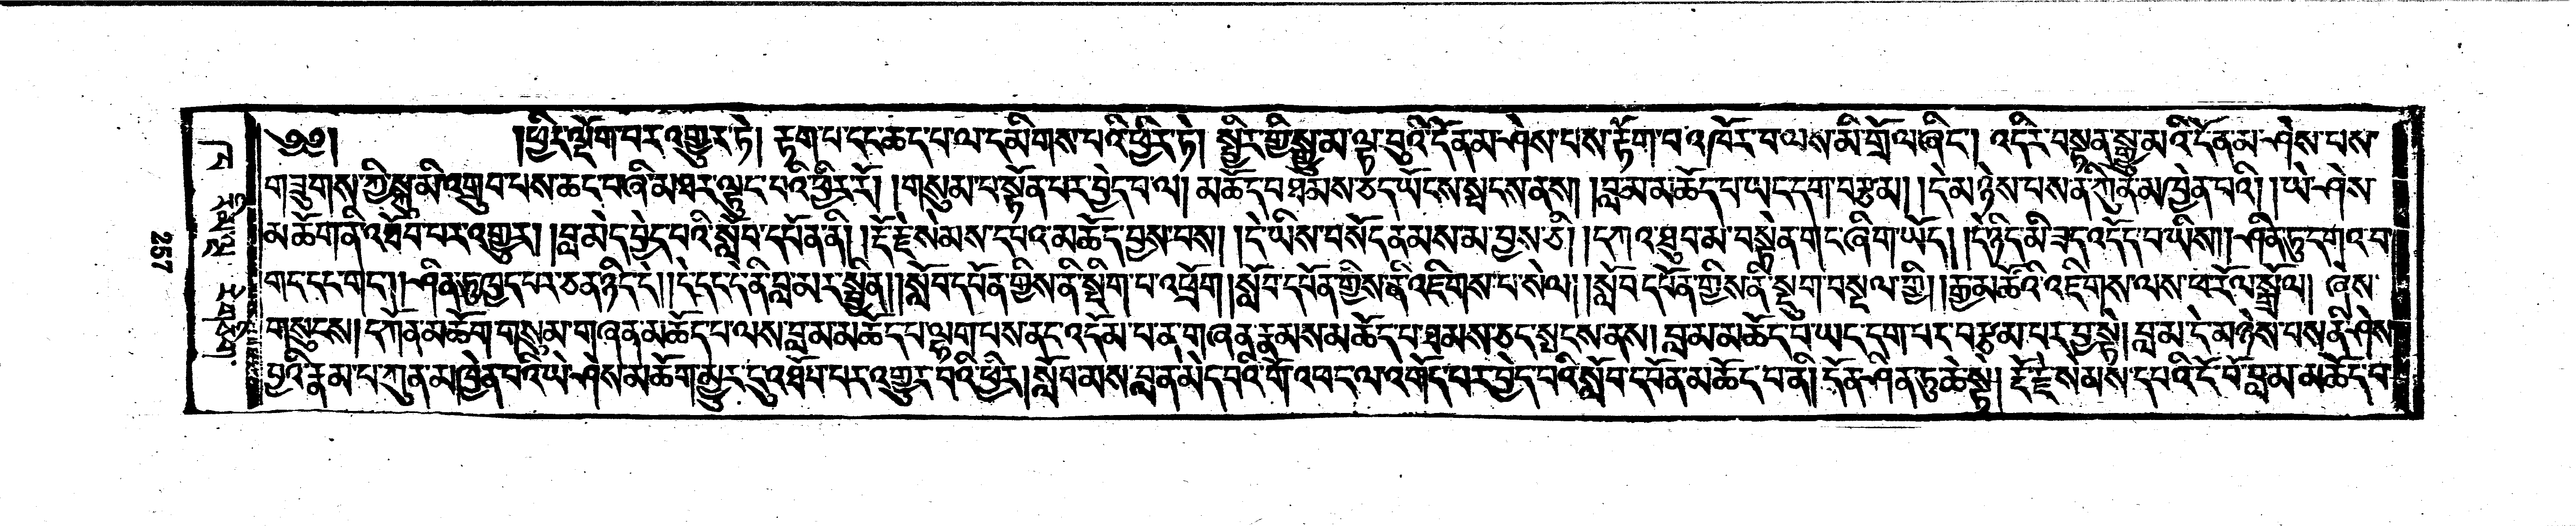༄༅། །ཕྱིར་ལྡོག་པར་འགྱུར་ཏེ། རྟག་པ་དང་ཆད་པ་ལ་དམིགས་པའི་ཕྱིར་ཏེ། སྤྱིར་གྱི་སྒྱུ་མ་ལྟ་བུའི་དོན་མ་ཤེས་པས་རྟག་པ་འཁོར་བ་ལས་མི་གྲོལ་ཞིང་། འདིར་བསྟན་སྒྱུ་མའི་དོན་མ་ཤེས་པས་
གཟུགས་ཀྱི་སྐུ་མི་འགྲུབ་པས་ཆད་པ་ཞི་མཐར་ལྟུང་བའི་ཕྱིར་རོ། །གསུམ་པ་སྟོན་པར་བྱེད་པ་ལ། མཆོད་པ་ཐམས་ཅད་ཡོངས་སྤངས་ནས། །བླ་མ་མཆོད་པ་ཡང་དག་བརྩམ། །དེ་མཉེས་པས་ནི་ཀུན་མཁྱེན་པའི། །ཡེ་ཤེས་
མཆོག་ནི་འཐོབ་པར་འགྱུར། །བླ་མེད་བྱེད་པའི་སློབ་དཔོན་ནི། །རྡོ་རྗེ་སེམས་དཔའ་མཆོད་བྱས་པས། །དེ་ཡིས་བསོད་ནམས་མ་བྱས་ཅི། །དཀའ་ཐུབ་མ་བསྟེན་གང་ཞིག་ཡོད། །དེ་ཉིད་མི་ཟད་འདོད་པ་ཡིས། །ཤིན་ཏུ་དགའ་བ་
གང་དང་གང་། །ཤིན་ཏུ་ཁྱད་པར་ཅན་ཉིད་དེ། །དེ་དང་དེ་ནི་བླ་མར་སྦྱིན། །སློབ་དཔོན་གྱིས་ནི་སྡིག་པ་འཕྲོག །སློབ་དཔོན་གྱིས་ནི་འཇིགས་པ་སེལ། །སློབ་དཔོན་གྱིས་ནི་སྡུག་བསྔལ་གྱི། །རྒྱ་མཚོའི་འཇིགས་ལས་ཕ་རོལ་སྒྲོལ། ཞེས་
གསུངས། དཀོན་མཆོག་གསུམ་གཞན་མཆོད་པ་ལས་བླ་མ་མཆོད་པ་ལྷག་པས་ནང་འདོམ་པ་ན་གཞན་རྣམས་མཆོད་པ་ཐམས་ཅད་སྤངས་ནས། བླ་མ་མཆོད་པ་ཡང་དག་པར་བརྩམ་པར་བྱ་སྟེ། བླ་མ་དེ་མཉེས་པས་ནི་ཤེས་
བྱའི་རྣམ་པ་ཀུན་མཁྱེན་པའི་ཡེ་ཤེས་མཆོག་མྱུར་དུ་འཐོབ་པར་འགྱུར་བའི་ཕྱིར། སློབ་མས་བླ་ན་མེད་པའི་གོ་འཕང་ལ་འགོད་པར་བྱེད་པའི་སློབ་དཔོན་མཆོད་པ་ནི། དོན་ཤིན་ཏུ་ཆེ་སྟེ། རྡོ་རྗེ་སེམས་དཔའི་ངོ་བོ་བླ་མ་མཆོད་པ་